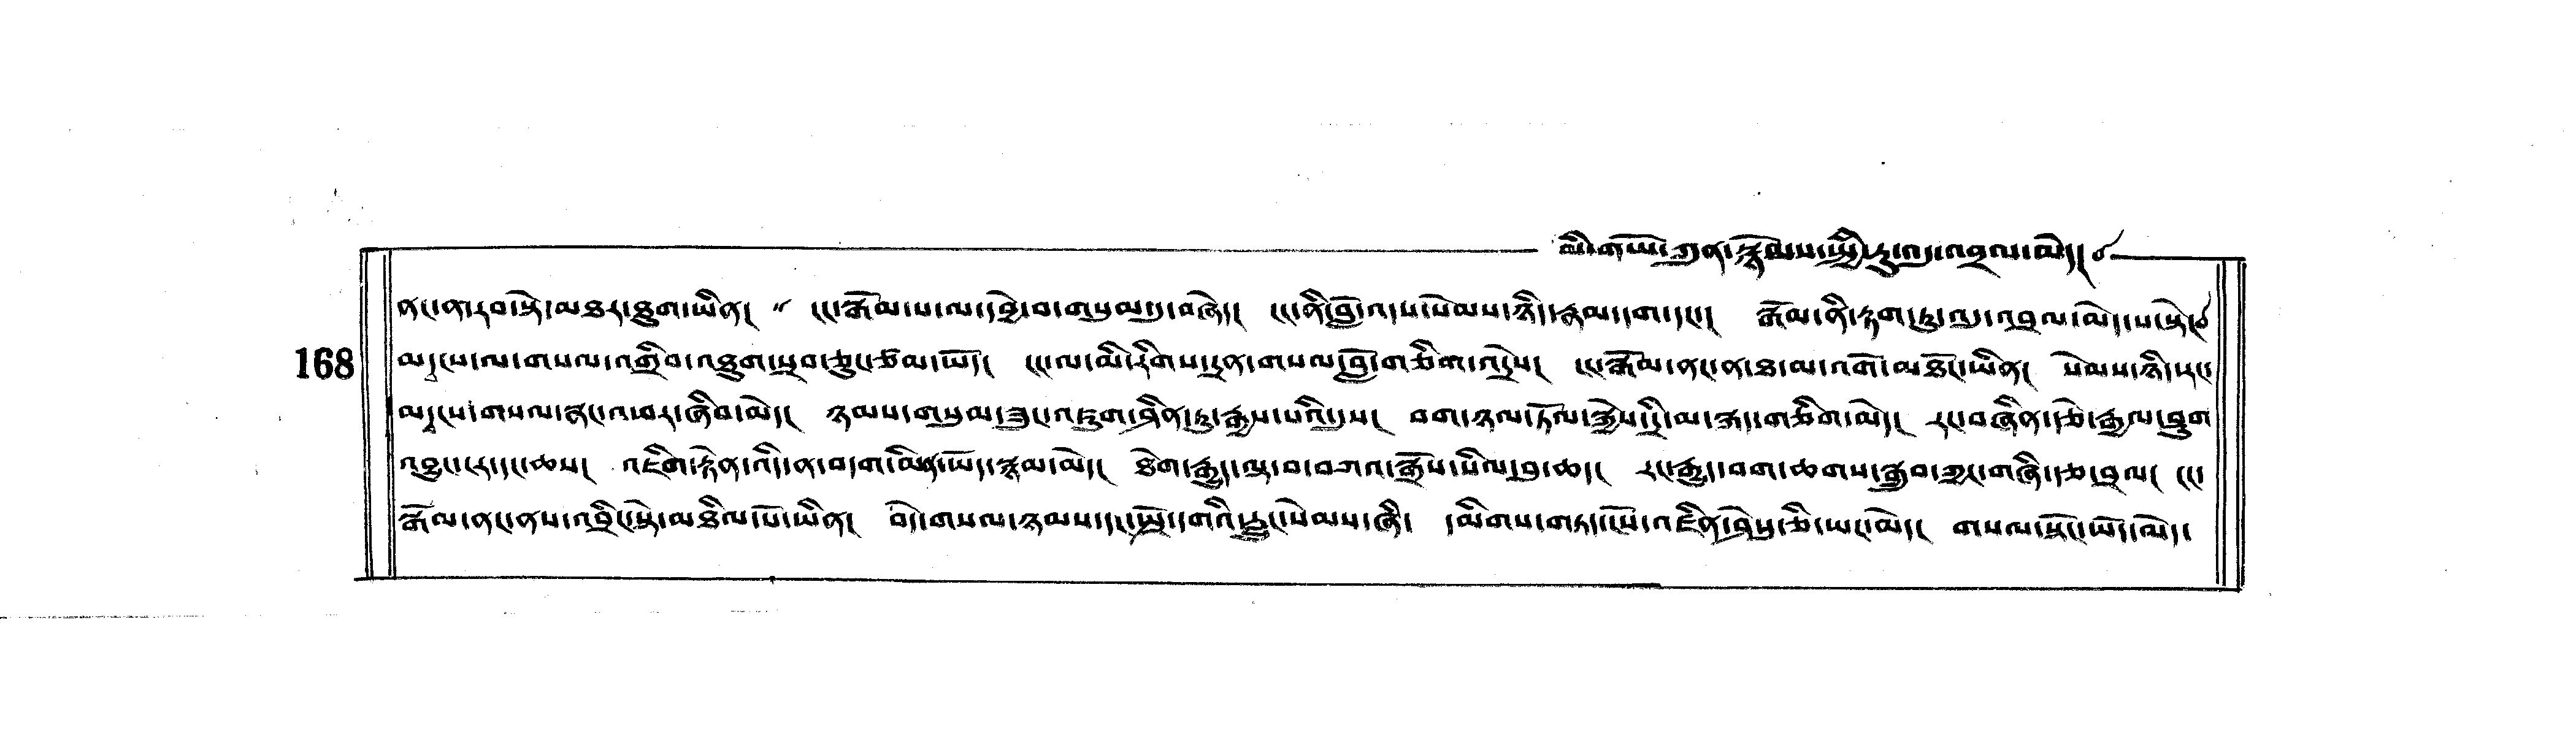ནང་ན་རབ་སྟེ་མཐར་ཐུག་ཡིན། ༧ ངང་སྒོམ་པ་ལ་དབྱེ་བ་གསུམ་དུ་བཞེད། ངང་ནི་བློ་འདས་སེམས་ཉིད་རྣམ་དག་དང་། སྒོམ་ནི་རྟག་ཏུ་འདུ་འབྲལ་མེད་པ་སྟེ། མི་གཡོ་ཀུན་སྙོམས་སྤྱི་རུ་འདུ་འབྲལ་མེད། 
མདངས་ལ་གསལ་འགྲིབ་མཐུག་བསྲབ་ཅུང་ཙམ་ཡོད། ངང་ལ་མི་རིག་དྲན་གསལ་བློ་གཅིག་འདྲེས། ངང་སྒོམ་ནང་ན་ཐ་མ་འགོ་མཐོང་ཡིན། སེམས་ཉིད་རང་
མདྭངས་གསལ་མཐོང་གསལ་སྣང་འཕར་ཞིབ་མེད། ཉམས་གསུམ་ཟུང་འཇུག་ཤིན་ཏུ་རྒྱས་པའི་དུས། བག་ཉལ་ཏོལ་སྐྱེས་དྲི་མ་སྐད་ཅིག་མེད། རང་བཞིན་རྩེ་རྒྱལ་ཤུགས་
འབྱུང་ངར་དང་ཆས། འཇིག་རྟེན་འདི་ན་བདག་མིན་ཡོད་སྙམ་མེད། ཐེག་རྒྱུད་ལྟ་བ་བཀའ་སྒྲོས་སིལ་བུ་ཆད། རང་རྒྱུད་བག་ཆགས་བསྒྲུབ་ཀྱང་གཞི་རྩ་བྲལ། ངང་
སྒོམ་ནང་ནས་འབྲིང་སྟེ་མཐིལ་པོ་ཡིན། བདེ་གསལ་ཉམས་དང་སྤྲོ་དགའི་རླུང་སེམས་ཞི། དམིགས་གཏད་ངོས་འཛིན་ཤེས་སུ་ཅི་ཡང་མེད། གསལ་སྟོང་ཡོད་མེད་